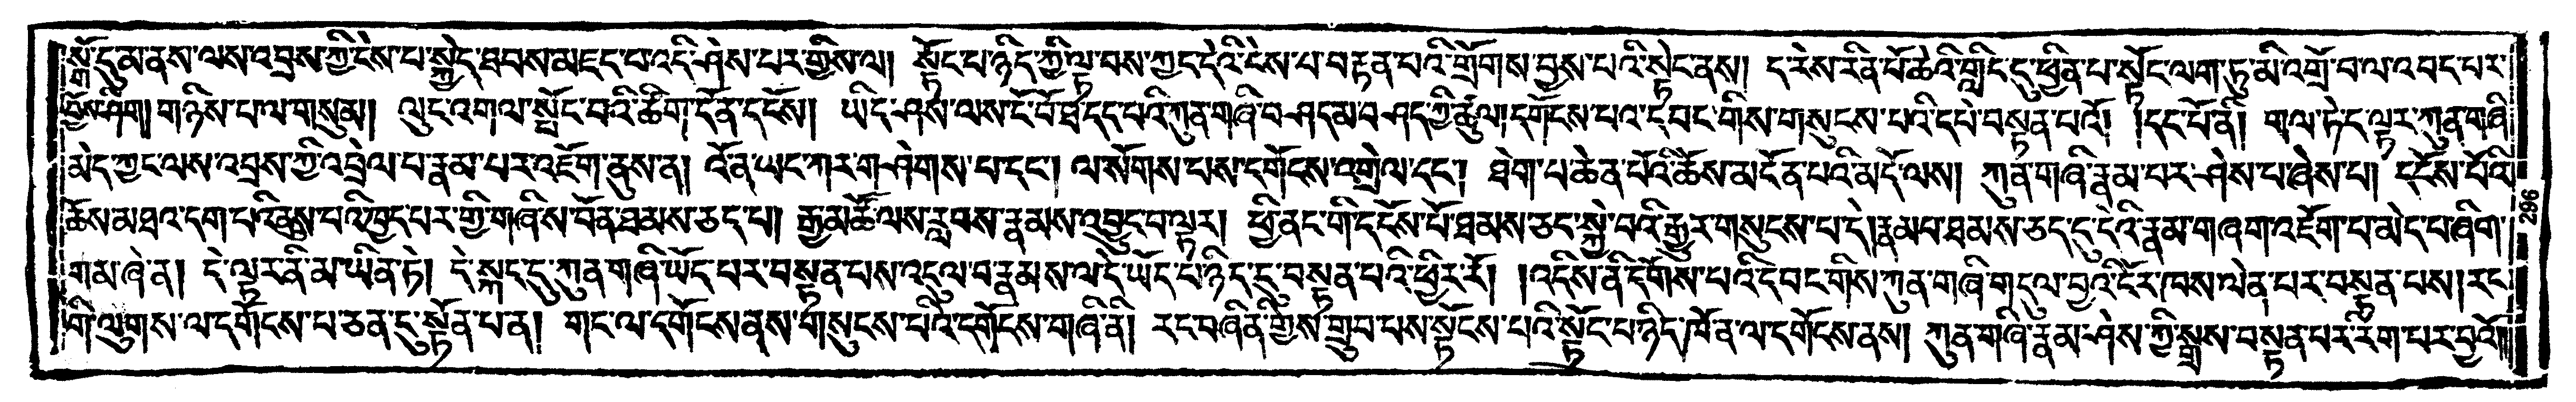སྒོ་དུ་མ་ནས་ལས་འབྲས་ཀྱི་ངེས་པ་སྐྱེད་ཐབས་མཛད་པ་འདི་ཤེས་པར་གྱིས་ལ། སྟོང་པ་ཉིད་ཀྱི་ལྟ་བས་ཀྱང་དེའི་ངེས་པ་བརྟན་པའི་གྲོགས་བྱས་པའི་སྟེང་ནས། ད་རེས་རིན་པོ་ཆེའི་གླིང་དུ་ཕྱིན་པ་སྟོང་ལོག་ཏུ་མི་འགྲོ་བ་ལ་འབད་པར་
བྱོས་ཤིག །གཉིས་པ་ལ་གསུམ། ལུང་འགལ་སྤོང་བའི་ཚིག་དོན་དངོས། ཡིད་ཤེས་ལས་ངོ་བོ་ཐ་དད་པའི་ཀུན་གཞི་བཤད་མ་བཤད་ཀྱི་ཚུལ། དགོངས་པའི་དབང་གིས་གསུངས་པའི་དཔེ་བསྟན་པའོ། །དང་པོ་ནི། གལ་ཏེ་ད་ལྟར་ཀུན་གཞི་
མེད་ཀྱང་ལས་འབྲས་ཀྱི་འབྲེལ་པ་རྣམ་པར་འཇོག་ནུས་ན། འོ་ན་ལང་ཀར་གཤེགས་པ་དང་། ལ་སོགས་པས་དགོངས་འགྲེལ་དང་། ཐེག་པ་ཆེན་པོའི་ཆོས་མངོན་པའི་མདོ་ལས། ཀུན་གཞི་རྣམ་པར་ཤེས་པ་ཞེས་པ། དངོས་པོའི་
ཆོས་མཐའ་དག་པའི་ནུས་པའི་ཁྱད་པར་གྱི་གཞི་ས་བོན་ཐམས་ཅད་པ། རྒྱ་མཚོ་ལས་རླབས་རྣམས་འབྱུང་བ་ལྟར། ཕྱི་ནང་གི་དངོས་པོ་ཐམས་ཅད་སྐྱེ་བའི་རྒྱུར་གསུངས་པ་དེ། རྣམ་པ་ཐམས་ཅད་དུ་དེའི་རྣམ་གཞག་འཇོག་པ་མེད་ཞིག་
གམ་ཞེ་ན། དེ་ལྟར་ནི་མ་ཡིན་ཏེ། དེ་སྐད་དུ་ཀུན་གཞི་ཡོད་པར་བསྟན་པས་འདུལ་བ་རྣམས་ལ་དེ་ཡོད་པ་ཉིད་དུ་བསྟན་པའི་ཕྱིར་རོ། །འདིས་ནི་དགོས་པའི་དབང་གིས་ཀུན་གཞི་གདུལ་བྱའི་ངོར་ཁས་ལེན་པར་བསྟན་པས། རང་
གི་ལུགས་ལ་དགོངས་པ་ཅན་དུ་སྟོན་པ་ན། གང་ལ་དགོངས་ནས་གསུངས་པའི་དགོངས་གཞི་ནི། རང་བཞིན་གྱིས་གྲུབ་པས་སྟོང་པའི་སྟོང་པ་ཉིད་ཁོ་ན་ལ་དགོངས་ནས། ཀུན་གཞི་རྣམ་ཤེས་ཀྱི་སྒྲས་བསྟན་པར་རིག་པར་བྱའོ།།